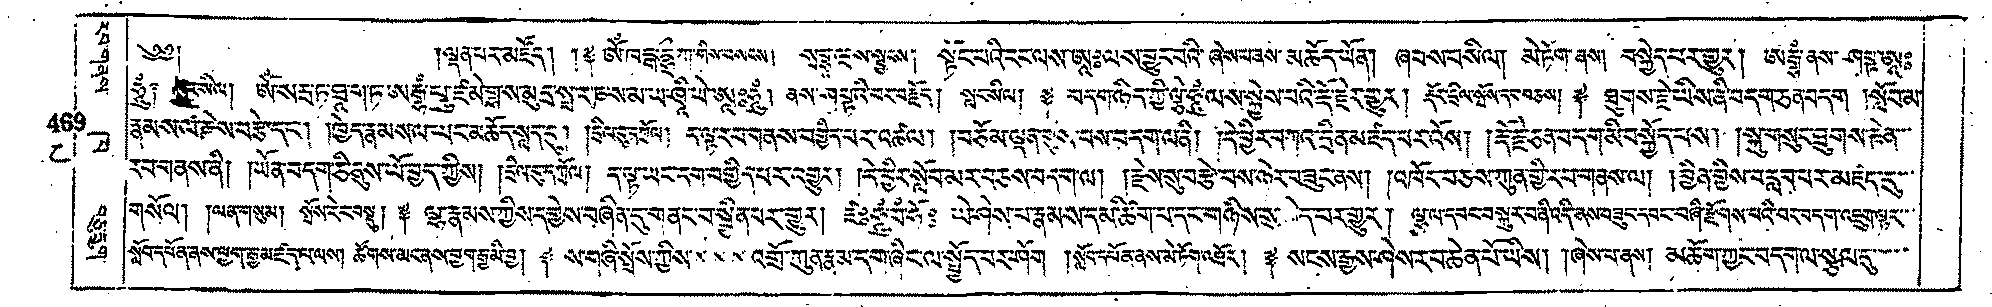༄༅། །ལྡན་པར་མཛོད། ། འ་ཨོཾ་ཁངྒ་དྷྲྀ་ཀ་གིས་བསངས།  སྭབྷཱ་ཝས་སྦྱངས་སྟོང་པའི་ངང་ལས་ཨཱཿལས་བྱུང་བའི་ཞེས་པ་ནས་མཆོད་ཡོན། ཞབས་བསིལ། མེ་ཏོག་ནས།  བསྐྱེད་པར་གྱུར། ཨརྒྷཾ་ནས་ཤཔྟ་ཨཱཿ
ཧཱུཾ༑ སླང་སིལ།  ཨོཾ་སརྦ་ཏ་ཐཱ་ག་ཏ་ཨ་རྒྷཾ་པུ་ཛ་མེ་གྷ་ས་མུ་དྲ་སྥ་ར་ཎ་ས་མ་ཡ་ཤྲཱི་ཡེ་ཨཱཿཧཱུཾ། ནས་ཤཔྟའི་བར་བརྗོད། སླང་སིལ།  འ་བདག་ཉིད་ཀྱི་ལྕེ་ཧཱུཾ་ལས་སྐྱེས་པའི་རྡོ་རྗེར་གྱུར། རྡོར་དྲིལ་སྤོས་དང་བཅས།  འ་ཐུགས་རྗེ་ཡིས་ནི་བདག་ཅན་བདག །སློབ་མ་
རྣམས་ལ་རྗེས་བརྩེ་དང་། །ཁྱེད་རྣམས་ལ་ཡང་མཆོད་སླད་དུ། །དྲིལ་བུ་དཀྲོལ།  ད་ལྟ་རབ་གནས་བགྱིད་པར་འཚལ། །བཅོམ་ལྡན་གུས་པས་བདག་ལ་ནི། །དེ་ཕྱིར་བཀའ་དྲིན་མཛད་པར་འོས། །རྡོ་རྗེ་ཅན་བདག་མི་བསྐྱོད་པས། །སྐུ་གསུང་ཐུགས་རྟེན་
རབ་གནས་ནི། །ཡོན་བདག་ཅི་ནུས་ཡོ་བྱད་ཀྱིས། །དྲིལ་བུ་དཀྲོལ།  ད་ལྟ་ཡང་དག་བགྱིད་པར་འགྱུར། །དེ་ཕྱིར་སློབ་མར་བཅས་བདག་ལ། །རྗེས་སུ་བརྩེ་བས་ཉེར་བཟུང་ནས། །འཁོར་བཅས་ཀུན་གྱི་རབ་གནས་ལ། །བྱིན་གྱིས་བརླབ་པར་མཛད་དུ་
གསོལ། །ལན་གསུམ། སྤོས་རེང་བསྡུ།  འ་ལྷ་རྣམས་ཀྱིས་དགྱེས་བཞིན་དུ་གནང་བ་སྦྱིན་པར་གྱུར། ཛཿཧཱུཾ་བཾ་ཧོཿ ཡེ་ཤེས་པ་རྣམས་དམ་ཚིག་པ་དང་གཉིས་སུ་མེད་པར་གྱུར། ལྷ་ལ་དབང་བསྐུར་བ་ནི་འདི་ནས་བཟུང་དབང་བཞི་རྫོགས་པའི་བར་བདག་འཇུག་ལྟར་
སློབ་དཔོན་ནས་ཕྱག་རྒྱ་མཛད་པ་ལས། ཚོགས་མང་ནས་ཕྱག་རྒྱ་མི་བྱ། འ་ས་གཞི་སྤོས་ཀྱིས་྾་྾་྾་འགྲོ་ཀུན་རྣམ་དག་ཞིང་ལ་སྤྱོད་པར་ཤོག་།སློབ་དཔོན་ནས་མེ་ཏོག་འཐོར།  འ་སངས་རྒྱས་ཤེས་རབ་ཆེན་པོ་ཡིས། །ཞེས་པ་ནས།  མཆོག་ཀྱང་བདག་ལ་སྩལ་དུ་